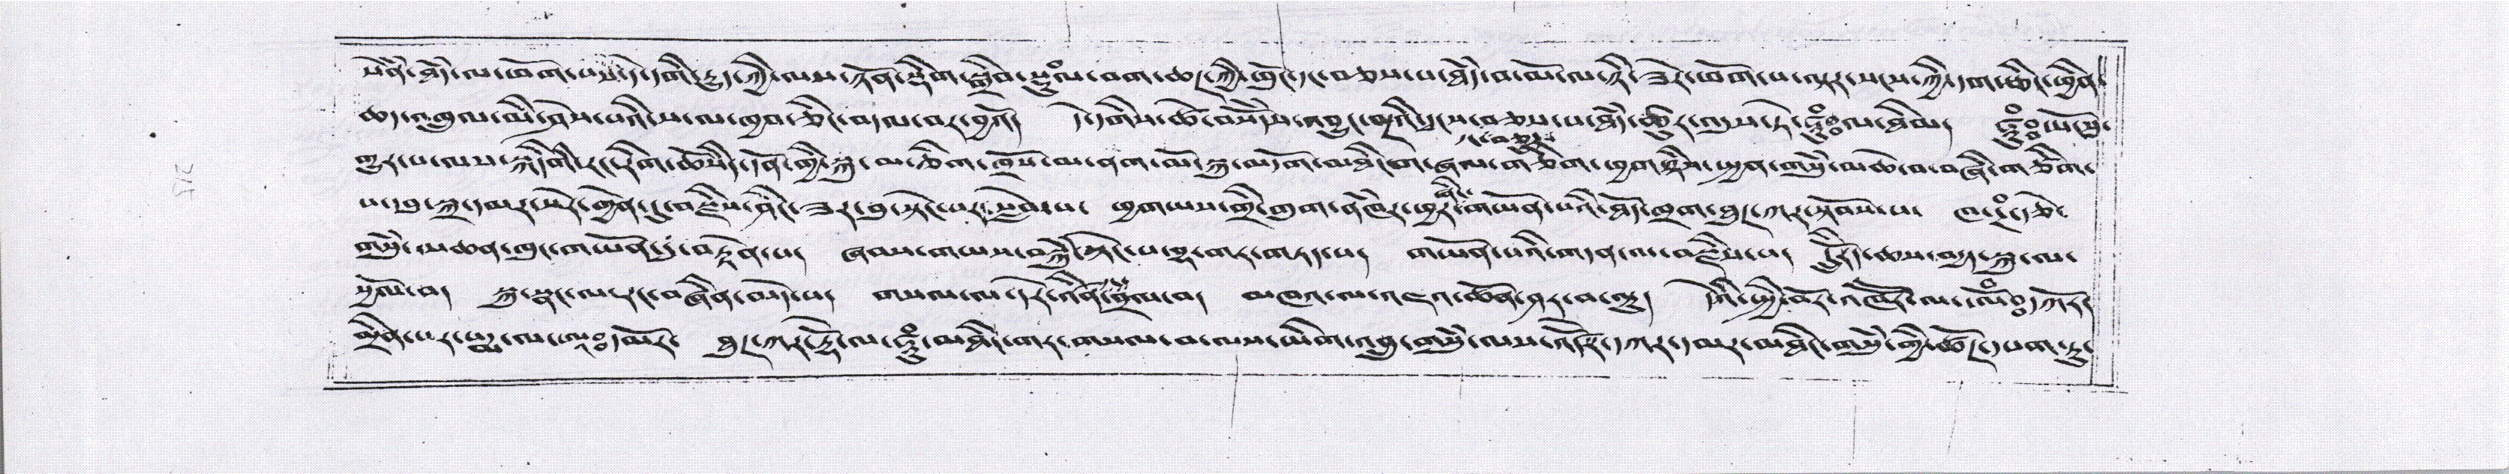སེམས་ཅན་ཐམས་ཅད་ལ་ཕོག་པས། དེ་དག་རྒྱུད་ཀྱི་ལས་ཉོན་སྡིག་སྒྲིབ་བག་ཆགས་ཀྱི་ཕུང་པོ་དང་བཅས་པ་ཐམས་ཅད་བ་མོ་ལ་ཉི་ཟེར་ཕོག་པ་ལྟར་སངས་ཀྱིས་དག་ཅིང་ཕྱིན་
ཆད་འཁྲུལ་མི་ཤེས་པའི་ས་ལ་ཁྱབ་ཅིང་བདལ་བར་བྱའོ། དེ་དག་གི་ཚེ་བསོད་ནམས་འབྱུང་ལྔའི་དྭངས་བཅུད་ཐམས་ཅད་ཚུར་འདུས་ཏེ་ཧཱུཾ་ལ་ཐིམ། ཧཱུཾ་ཡོངས་སུ་
གྱུར་པ་ལས། སྐད་ཅིག་རང་རིག་ཆོས་ཉིད་དོན་གྱི་སྐུ་མ་ཅིག་ཁྲོས་མ་ནག་མོ་སྐུ་མདོག་མཐིང་ནག་ཞལ་གཅིག་ཕྱག་གཉིས་སྤྱན་གསུམ་མཆེ་བ་བཞི་གཙིགས་
པ། དབུ་སྐྲ་དམར་སེར་གྱེན་དུ་བརྫེས་ཤིང་ཟར་བུ་རྟིང་པར་སླེབས་པ། ཕྱག་གཡས་གྲི་ཁུག་ནམ་མཁར་ཕྱར་ཞིང་། གཡོན་པས་ཐོད་ཁྲག་ཐུགས་ཁར་སྟོབ་པ། ཁ་ཊཾ་རྩེ་
གསུམ་མཆན་ཁུང་གཡོན་དུ་བརྟེན་པ། ཞབས་གཡས་བསྐུམ་རྟིང་པ་བྷ་གར་གཏད་ཅིང་། གཡོན་པས་གདན་ལ་བརྫིས་པ། དུར་ཁྲོད་ཆས་བརྒྱད་སྐུ་ལ་
གསོལ་བ། སྐུ་སྣང་ལ་རང་བཞིན་མེད་པ། གསལ་ལ་དེར་འཛིན་དང་བྲལ་བ། མཁའ་ལ་འཇའ་ཚོན་ཤར་བ་ལྟ་བུ། དེའི་སྤྱི་བོར་འཁོར་ལོ་ལ་ཨོཾ་དཀར་པོ། 
མགྲིན་པར་པདྨ་ལ་ཨ་དམར་པོ། ཐུགས་ཁར་རྡོ་རྗེ་ལ་ཧཱུཾ་མཐིང་གར་གསལ་བ་ལ་ཡིག་འབྲུ་གསུམ་ལས་འོད་ཟེར་དཀར་དམར་མཐིང་གསུམ་གྱི་ཚོགས་དཔག་ཏུ་